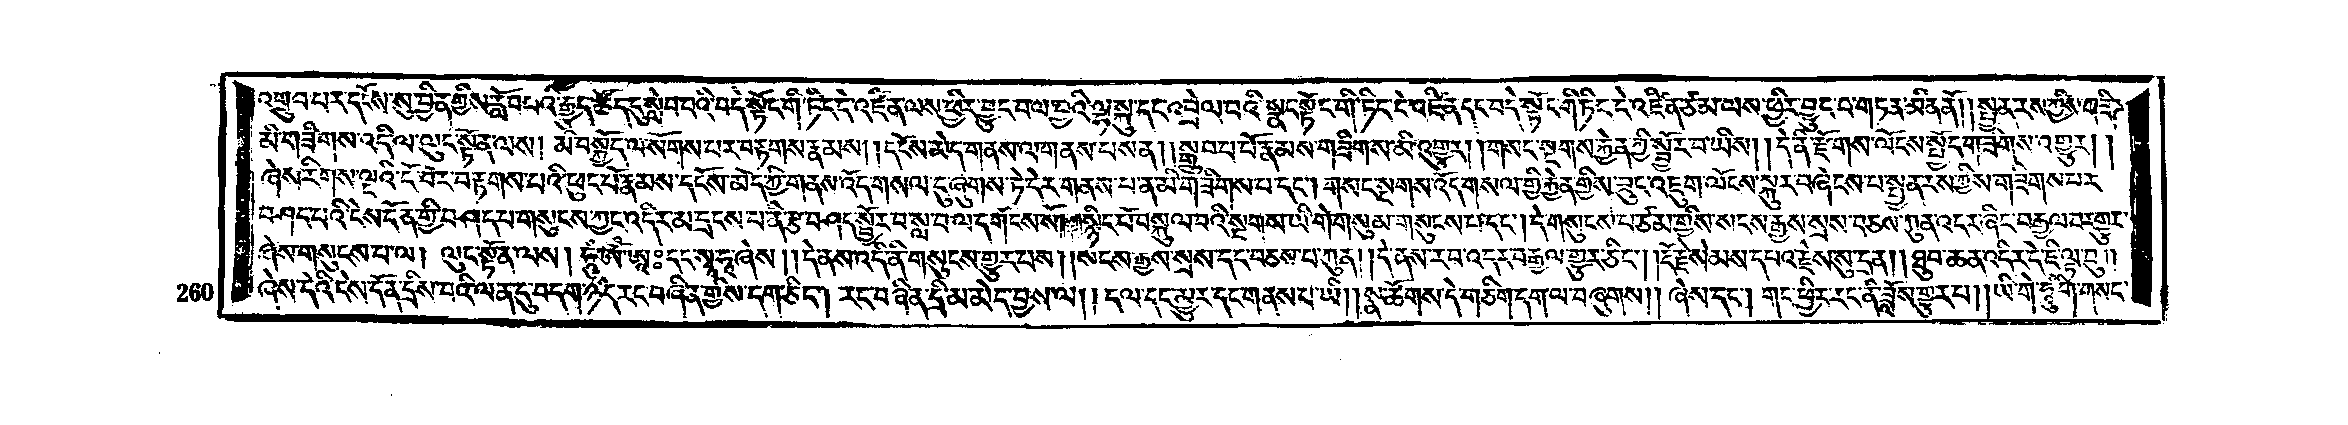འགྲུབ་པར་དངོས་སུ་བྱིན་གྱིས་རློབ་པའི་རྒྱུད་ཚོད་དུ་སླེབ་པའི་བདེ་སྟོང་གི་ཏིང་ངེ་འཛིན་ལས་ཕྱིར་བྱུང་བ་ལ་བྱའི་ལྷ་སྐུ་དང་འབྲེལ་བའི་སྣང་སྟོང་གི་ཏིང་ངེ་འཛིན་དང་བདེ་སྟོང་གི་ཏིང་ངེ་འཛིན་ཙམ་ལས་ཕྱིར་བྱུང་བ་གཏན་མིན་ནོ། །སྤྱན་རས་ཀྱིས་གཟིགས་
མི་གཟིགས་འདི་ལ་ལུང་སྟོན་ལས། མི་བསྐྱོད་ལ་སོགས་པར་བརྟགས་རྣམས། །དངོས་མེད་གནས་ལ་གནས་པས་ན། །སྒྲུབ་པ་པོ་རྣམས་གཟིགས་མི་འགྱུར། །གསང་སྔགས་རྐྱེན་གྱི་སྦྱོར་བ་ཡིས། །དེ་ནི་རྫོགས་ལོངས་སྤྱོད་གཟིགས་འགྱུར། །
ཞེས་རིགས་ལྔའི་ངོ་བོར་བརྟགས་པའི་ཕུང་པོ་རྣམས་དངོས་མེད་ཀྱི་གནས་འོད་གསལ་དུ་ཞུགས་ཏེ་དེར་གནས་པ་ན་མི་གཟིགས་པ་དང་། གསང་སྔགས་འོད་གསལ་གྱི་རྐྱེན་གྱིས་ཟུང་འཇུག་ལོངས་སྐུར་བཞེངས་པ་སྤྱན་རས་ཀྱིས་གཟིགས་པར་
བཤད་པའི་ངེས་དོན་གྱི་བཤད་པ་གསུངས་ཀྱང་འདིར་མ་དྲངས་པ་ནི་རྩ་བཤད་སྦྱོར་བ་སླ་བ་ལ་དགོངས་སོ།། ༈ །།སྙིང་པོ་བསྐུལ་བའི་སྔགས་ཡི་གེ་གསུམ་གསུངས་པ་དང་། དེ་གསུངས་པ་ཙམ་གྱིས་སངས་རྒྱས་སྲས་བཅས་ཀུན་འདར་ཞིང་བརྒྱལ་བར་གྱུར་
ཞེས་གསུངས་པ་ལ། ལུང་སྟོན་ལས། ཧཱུཾ་ཨོཾ་ཨཱཿ དང་སྭཱ་ཧཱ་ཞེས། །དེ་ནས་འདི་ནི་གསུངས་གྱུར་པས། །སངས་རྒྱས་སྲས་དང་བཅས་པ་ཀུན། །དེ་ནས་རབ་འདར་བརྒྱལ་གྱུར་ཅིང་། །རྡོ་རྗེ་སེམས་དཔའ་རྗེས་སུ་དྲན། །ཐུབ་ཆེན་འདིར་དེ་ཇི་ལྟ་བུ།།
ཞེས་དེའི་ངེས་དོན་དྲིས་བའི་ལན་དུ་བདག་ཉིད་རང་བཞིན་གྱིས་དག་ཅིང་། རང་བཞིན་དྲི་མ་མེད་བྱས་ལ། །དལ་དང་མྱུར་དང་གནས་པ་ཡི། །སྣ་ཚོགས་དེ་གཅིག་དག་ལ་བཞུགས། །ཞེས་དང་། གང་ཕྱིར་རང་ནི་ཟློས་གྱུར་པ། །ཡི་གེ་ཧཱུཾ་གི་གསང་